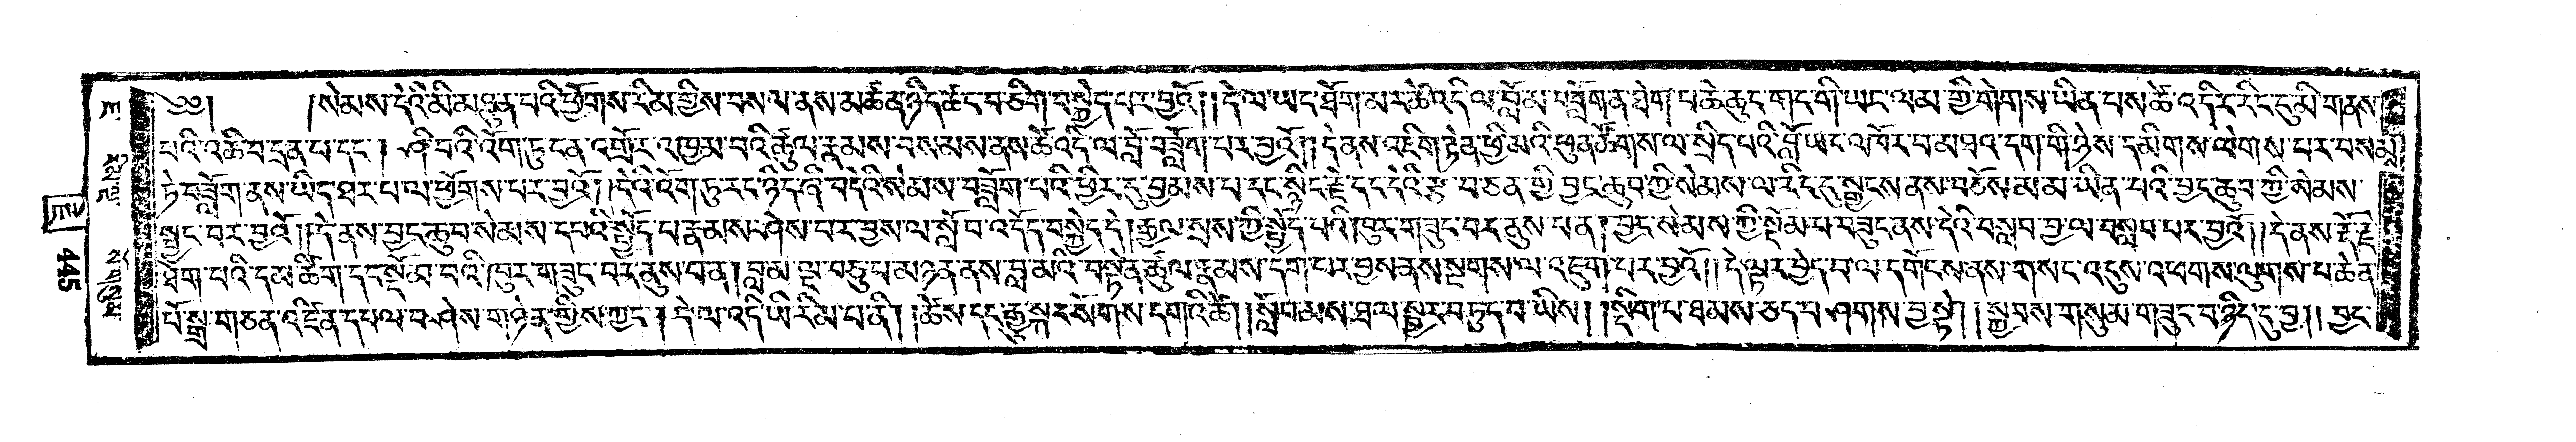༄༅། །སེམས་དེའི་མི་མཐུན་པའི་ཕྱོགས་རིམ་གྱིས་བསལ་ནས་མཚན་ཉིད་ཚང་བ་ཅིག་བསྐྱེད་པར་བྱའོ། །དེ་ལ་ཡང་ཐོག་མར་ཚེ་འདི་ལ་བློ་མ་བཟློག་ན་ཐེག་པ་ཆེ་ཆུང་གང་གི་ཡང་ལམ་གྱི་གེགས་ཡིན་པས་ཚེ་འདིར་རིང་དུ་མི་གནས་
པའི་འཆི་བ་དྲན་པ་དང་། ཤི་བའི་འོག་ཏུ་ངན་འགྲོར་འཁྱམ་པའི་ཚུལ་རྣམས་བསམས་ནས་ཚེ་འདི་ལ་བློ་བཟློག་པར་བྱའོ། །དེ་ནས་འཇིག་རྟེན་ཕྱི་མའི་ཕུན་ཚོགས་ལ་སྲིད་པའི་བློ་ཡང་འཁོར་བ་མཐའ་དག་གི་ཉེས་དམིགས་ལེགས་པར་བསམ་
ཏེ་བཟློག་ནས་ཡིད་ཐར་པ་ལ་ཕྱོགས་པར་བྱའོ། །དེའི་འོག་ཏུ་རང་ཉིད་ཞི་བདེའི་སེམས་བཟློག་པའི་ཕྱིར་དུ་བྱམས་པ་དང་སྙིང་རྗེ་དང་དེའི་རྩ་བ་ཅན་གྱི་བྱང་ཆུབ་ཀྱི་སེམས་ལ་རིང་དུ་སྦྱངས་ནས་བཅོས་མ་མ་ཡིན་པའི་བྱང་ཆུབ་ཀྱི་སེམས་
སྦྱང་བར་བྱའོ། །དེ་ནས་བྱང་ཆུབ་སེམས་དཔའི་སྤྱོད་པ་རྣམས་ཤེས་པར་བྱས་ལ་སློབ་འདོད་བསྐྱེད་དེ། རྒྱལ་སྲས་ཀྱི་སྤྱོད་པའི་ཁུར་གཟུང་བར་ནུས་པ་ན། བྱང་སེམས་ཀྱི་སྡོམ་པ་བཟུང་ནས་དེའི་བསླབ་བྱ་ལ་བསླབ་པར་བྱའོ། །དེ་ནས་རྡོ་རྗེ་
ཐེག་པའི་དམ་ཚིག་དང་སྡོམ་པའི་ཁུར་གཟུང་བར་ནུས་པ་ན། བླ་མ་ལྔ་བཅུ་པ་མཉན་ནས་བླ་མའི་བསྟེན་ཚུལ་རྣམས་དག་པར་བྱས་ནས་སྔགས་ལ་འཇུག་པར་བྱའོ། །དེ་ལྟར་བྱེད་པ་ལ་དགོངས་ནས་གསང་འདུས་འཕགས་ལུགས་པ་ཆེན་
པོ་སྒྲ་གཅན་འཛིན་དཔལ་བཤེས་གཉེན་གྱིས་ཀྱང་། དེ་ལ་འདི་ཡི་རིམ་པ་ནི། །ཚེས་དང་རྒྱུ་སྐར་སོགས་དགའི་ཚེ། །སློབ་མས་ཐལ་སྦྱར་བཏུད་པ་ཡིས། །སྡིག་པ་ཐམས་ཅད་བཤགས་བྱ་སྟེ། །སྐྱབས་གསུམ་གཟུང་བ་ཉིད་དུ་བྱ། །བྱང་